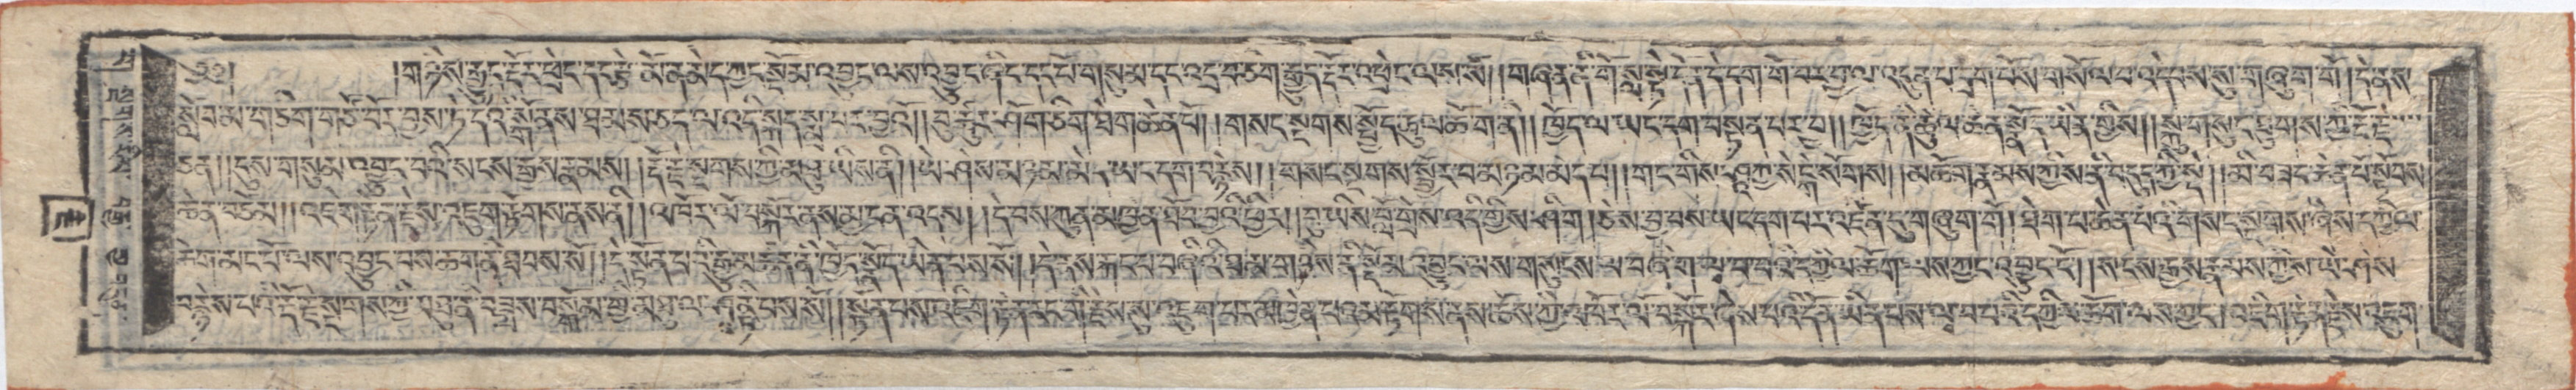༄༅། །གཉིས་རྒྱུད་རྡོར་ཕྲེང་དང་རྩེ་མོ་ན་མེད་ཀྱང་སྡོམ་འབྱུང་ལས་འབྱུང་ཞིང་དང་པོ་གསུམ་དང་འདྲ་བ་ཅིག་རྒྱུད་རྡོར་འཕྲེང་ལས་སོ། །གཞན་ནི་གོ་སླ་སྟེ་དོན་དེ་དག་གོ་བར་བྱ་ལ་འདུན་པ་དྲག་པོས་གསོལ་བ་འདེབས་སུ་གཞུག་གོ །དེ་ནས་
སློབ་མ་གཅིག་གཙོ་བོར་བྱས་ཏེ་དེའི་སྒོ་ནས་ཐམས་ཅད་ལ་འདི་སྐད་སྨྲ་བར་བྱའོ། །བུ་ཚུར་ཤོག་ཅིག་ཐེག་ཆེན་པོ། །གསང་སྔགས་སྤྱོད་ཚུལ་ཆོ་ག་ནི། །ཁྱོད་ལ་ཡང་དག་བསྟན་པར་བྱ། །ཁྱོད་ནི་ཚུལ་ཆེན་སྣོད་ཡིན་གྱིས། །སྐུ་གསུང་ཐུགས་ཀྱི་རྡོ་རྗེ་
ཅན། །དུས་གསུམ་འབྱུང་བའི་སངས་རྒྱས་རྣམས། །རྡོ་རྗེ་སྔགས་ཀྱི་མཐུ་ཡིས་ནི། །ཡེ་ཤེས་མཉམ་མེད་ཡང་དག་བརྙེས། །གསང་སྔགས་སྦྱོར་བ་མཉམ་མེད་པ། །གང་གིས་ཤཱཀྱ་སེངྒེ་སོགས། །མཆོག་རྣམས་ཀྱིས་ནི་བདུད་ཀྱི་སྡེ། །མི་བཟད་ཆེན་པོ་སྟོབས་
ཆེན་བཅོམ། །འཇིག་རྟེན་རྗེས་འཇུག་རྟོགས་ནས་ནི། །འཁོར་ལོ་བསྐོར་ནས་མྱ་ངན་འདས། །དེ་བས་ཀུན་མཁྱེན་ཐོབ་བྱའི་ཕྱིར། །བུ་ཡིས་བློ་གྲོས་འདི་གྱིས་ཤིག །ཅེས་བྱ་བས་ཡང་དག་པར་འཛིན་དུ་གཞུག་གོ །ཐེག་པ་ཆེན་པོའི་གསང་སྔགས་ཞེས་དཀྱིལ་
ཆོག་མང་པོ་ལས་འབྱུང་བས་ཆག་ནི་ཐབས་སོ། །དེ་སྟོན་པའི་རྒྱུ་མཚན་ནི་ཁྱོད་སྣོད་ཡིན་པས་སོ། །དེ་ནས་རྐང་པ་བཞིའི་ཐ་མ་གཉིས་ནི་སྡོམ་འབྱུང་ལས་གསུངས་ལ་བཞི་ག་ལྭ་བ་བའི་དཀྱིལ་ཆོག་ལས་ཀྱང་འབྱུང་ངོ། །སངས་རྒྱས་རྣམས་ཀྱིས་ཡེ་ཤེས་
བརྙེས་པའི་རྡོ་རྗེ་སྔགས་ཀྱི་མཐུ་ནི་བཟླས་བསྒོམ་གྱི་མཐུ་ལ་ཤཱནྟི་པས་སོ། །སྟོན་པས་འཇིག་རྟེན་རང་གི་རྗེས་སུ་འཇུག་པར་མཁྱེན་པའམ་རྟོགས་ནས་ཆོས་ཀྱི་འཁོར་ལོ་བསྐོར་ཞེས་པའི་དོན་ཡིན་པས་ལྭ་བ་པའི་དཀྱིལ་ཆོག་ལས་ཀྱང་། འཇིག་རྟེན་རྗེས་འཇུག་